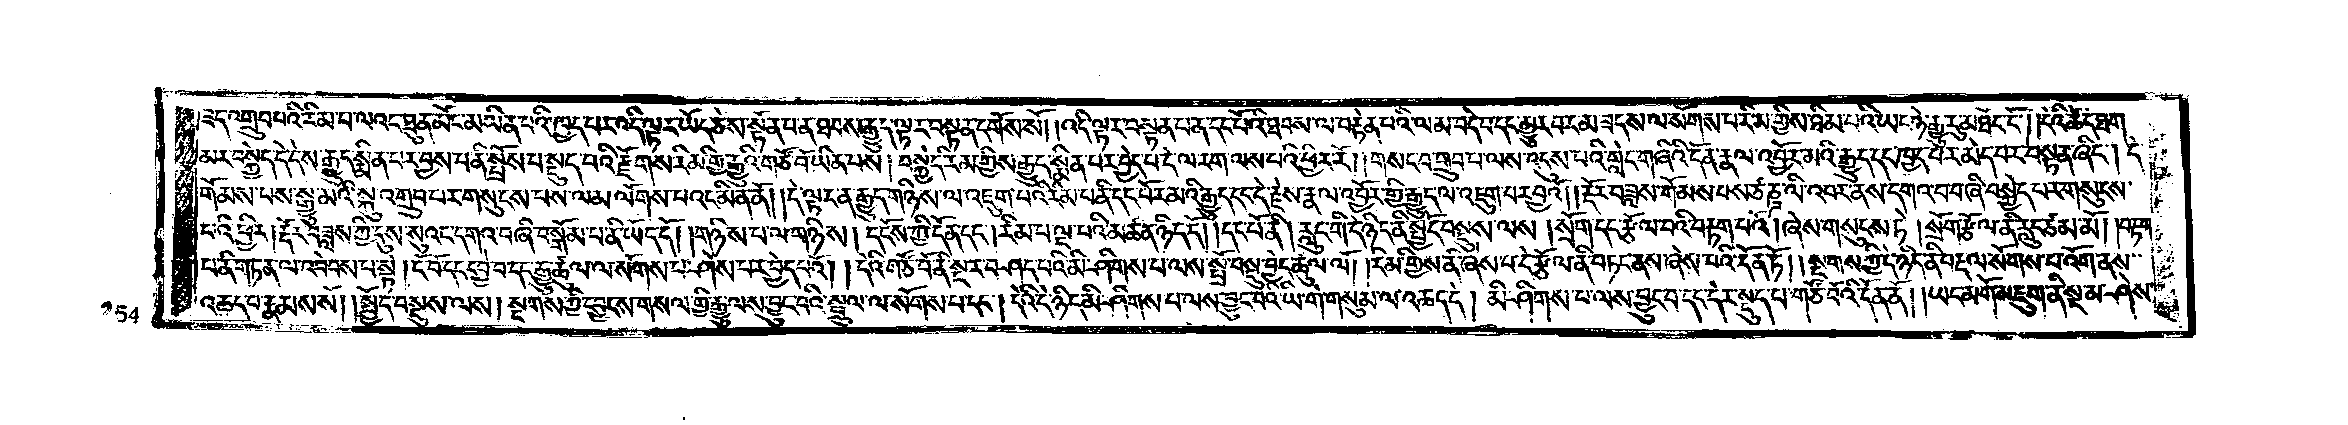ཟད་འགྲུབ་པའི་རིམ་པ་ལའང་ཐུན་མོང་མ་ཡིན་པའི་ཁྱད་པར་འདི་ལྟར་ཡོད་ཅེས་སྟོན་པ་ན་ཐབས་རྒྱུད་ལྟར་བསྟན་དགོས་སོ། །འདི་ལྟར་བསྟན་པ་ན་དང་པོའི་ཐབས་ལ་བརྟེན་པའི་ལམ་བདེ་བ་དང་མྱུར་བར་མ་ཟད་ས་ལ་སོགས་པ་རིམ་གྱིས་ཐིམ་པའི་ཡང་ཉེ་རྒྱུ་རུ་མཐོང་ངོ། །དེའི་ཚེ་དེ་ཐོག་
མར་བསྐྱེད་དེ་དེས་རྒྱུད་སྨིན་པར་བྱས་པ་ནི་སྤྲོས་པ་སྡུད་པའི་རྫོགས་རིམ་གྱི་རྒྱུའི་གཙོ་བོ་ཡིན་པས། བསྐྱེད་རིམ་གྱིས་རྒྱུད་སྨིན་པར་བྱེད་པ་དེ་ལ་རག་ལས་པའི་ཕྱིར་རོ། །གསང་བ་གྲུབ་པ་ལས་འདུས་པའི་གླེང་གཞིའི་དོན་རྣལ་འབྱོར་མའི་རྒྱུད་དང་ཁྱད་པར་མེད་པར་བསྟན་ཞིང་། དེ་
གོམས་པས་སྒྱུ་མའི་སྐུ་འགྲུབ་པར་གསུངས་པས་ལམ་ལོགས་པའང་མིན་ནོ། །དེ་ལྟར་ན་རྒྱུད་གཉིས་ལ་འཇུག་པའི་རིམ་པ་ནི་དང་པོར་མའི་རྒྱུད་དང་དེ་རྗེས་རྣལ་འབྱོར་གྱི་རྒྱུད་ལ་འཇུག་པར་བྱའོ། །རྡོར་བཟླས་གོམས་པས་ཙཎྜ་ལི་འབར་ནས་དགའ་བ་བཞི་བསྐྱེད་པར་གསུངས་
པའི་ཕྱིར། རྡོར་བཟླས་ཀྱི་དུས་སུའང་དགའ་བཞི་བསྒོམ་པ་ནི་ཡོད་དོ། །གཉིས་པ་ལ་གཉིས། དངོས་ཀྱི་དོན་དང་། རིམ་པ་ལྔ་པའི་མཚན་ཉིད་དོ། །དང་པོ་ནི། རླུང་གི་དེ་ཉིད་ནི་སྤྱོད་བསྡུས་ལས། སྲོག་དང་རྩོལ་བའི་བརྟག་པའོ། །ཞེས་གསུངས་ཏེ། སྲོག་རྩོལ་ནི་རླུང་ཙམ་མོ། །བརྟག་
པ་ནི་གཏན་ལ་འབེབས་པ་སྟེ། ངོ་བོ་དང་དབྱེ་བ་དང་རྒྱུ་ཚུལ་ལ་སོགས་པ་ཤེས་པར་བྱེད་པའོ། །དེའི་གཙོ་བོ་ནི་སྔར་བཤད་པའི་མི་ཤིགས་པ་ལས་སྤྲོ་བསྡུ་བྱེད་ཚུལ་ལོ། །རིམ་གྱིས་ནི་ཞེས་པ་དེ་རྩོལ་ནི་བཏང་ནས་ཞེས་པའི་དོན་ཏོ། །སྔགས་ཀྱི་དེ་ཉིད་ནི་བརྡ་ལ་སོགས་པ་འོག་ནས་
འཆད་པ་རྣམས་སོ། །སྤྱོད་བསྡུས་ལས། སྔགས་ཀྱི་དབྱངས་གསལ་གྱི་རྒྱུ་ལས་བྱུང་བའི་སྤྲུལ་ལ་སོགས་པ་དང་། དེའི་དེ་ཉིད་མི་ཤིགས་པ་ལས་བྱུང་བའི་ཡི་གེ་གསུམ་ལ་འཆད་དེ། མི་ཤིགས་པ་ལས་བྱུང་བ་དང་དེར་སྡུད་པ་གཙོ་བོའི་དོན་ནོ། །ཡང་མགོ་མཇུག་ནི་སྔ་མ་ཤེས་